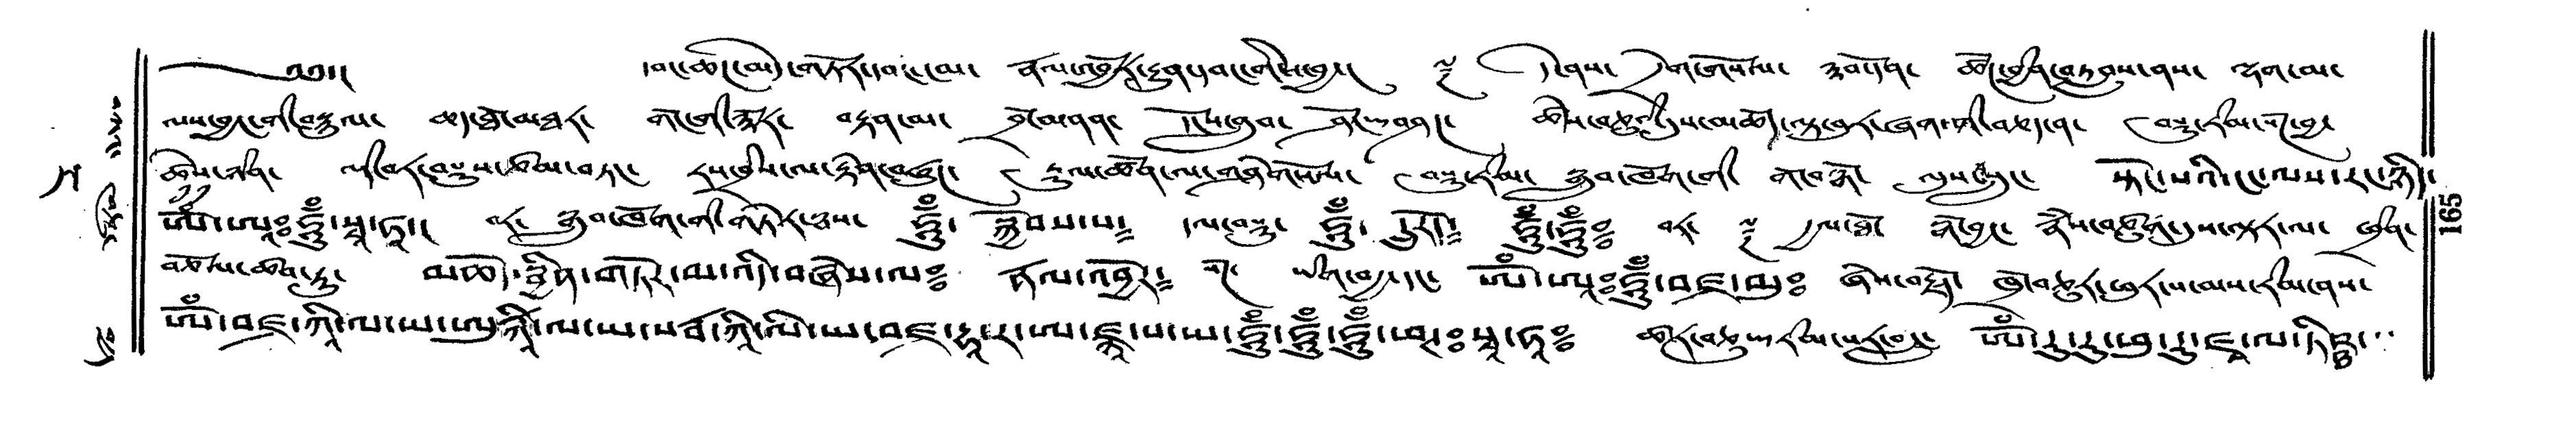དབང་ཆགས་མེད་གཏོར་དབང་ངམ་རྣལ་འབྱོར་རྒྱུན་དབང་གིས་བྱ། དེ་ནས། དྲེགས་གསོལ། ཟབ་དོན། ཚོགས་བྱིན་རླབས་ནས། ལྷག་མ་
ལས་བྱང་གི་བསྐུལ། ཆད་ཐོ་མཐར། གོང་གི་སྐོར། བརྟན་མ། བྲོ་མནན། དངོས་གྲུབ། ནོངས་བཤགས། ཚེས་བཅུའི་དུས་མཆོད་ལྟ་བུར་ཞག་གིས་བཅད་ན། བསྡུ་རིམ་སོགས་བྱ་
ཚེས་བཅུ་གཅིག་ཉིན། འདིའི་བར་བསྡུས་ཙམ་བཏང་། རས་བྲིས་ལ་བརྟན་བཞུགས། རྡུལ་ཚོན་ལ་གཤེགས་གསོལ། བསྡུ་རིམ། སྒྲུབ་ཁོག་གི་གོ་བསྒོ། ལུས་སྲུང་། སྟོང་པའི་ངང་ལས་རང་ཉིད༴ 
ཨོཾ་ཨཱཿཧཱུྃ་སྭ་ཧཱ༔ བར། སྒྲུབ་ཁོག་གི་གཏེར་སྦས། ཧཱུྃ༔ སྐྱོབས་པ༴ དལ་བསྡུ། ཧཱུྃ༔ དུར་ཁྲོད༴ ཧཱུྃ་ཧཱུྃ༔ བར། ༈ རྒྱལ་ཐོ། སྒོ་བྱང་རྣམས་འཛུགས་དུས་ལྟར་ལ། ཕྲིན་
བཅོལ་ཚབ་ཏུ། མཆོད་སྦྱིན་གཏོར་མ་འདི་བཞེས་ལ། རྣལ་འབྱོར༴ སོགས། ཡིག་བརྒྱ་དང་། ཨོཾ་ཨཱཿཧཱུྃ་བཛྲ་མུ༔ ཞེས་བརྗོད། ཁྲོ་བཅུའི་ཕུར་པ་མས་རིམ་ནས། 
ཨོཾ་བཛྲ་ཀཱི་ལ་ཡ་ཨུརྐཱི་ལ་ཡ་སརྦ་ཀཱི་ལི་ཡ་བཛྲ་དྷཱ་ར་ཨ་ཛྙཱ་པ་ཡ་ཧཱུྃ་ཧཱུྃ་ཧཱུྃ་ཕཊཿསྭ་ཧཱ༔ ཚར་བཅུས་རིམ་པར་བླང་། ཨོཾ་རུ་རུ་ཕུ་རུ་ཛྭ་ལ་ཏིཥྛ་